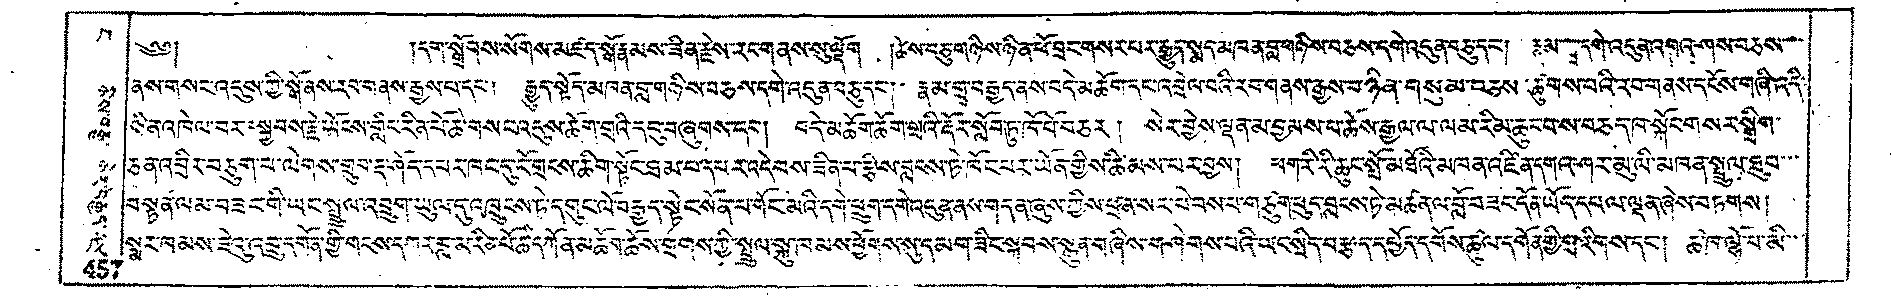༄༅། །དག་སྒྲོགས་སོགས་མཛད་སྒོ་རྣམས་ཟིན་རྗེས་རང་གནས་སུ་ལྡོག །ཚེས་བཅུ་གཉིས་ཉིན་ཕོ་བྲང་གསར་པར་རྒྱུད་སྨད་མཁན་བླ་གཉིས་བཅས་དགེ་འདུན་བཅུ་དང་། རྣམ་གྲྭ་དགེ་འདུན་འགའ་ཤས་བཅས་
ནས་གསང་འདུས་ཀྱི་སྒོ་ནས་རབ་གནས་རྒྱས་པ་དང་། རྒྱུད་སྟོད་མཁན་བླ་གཉིས་བཅས་དགེ་འདུན་བཅུ་དང་། རྣམ་གྲྭ་བརྒྱད་ནས་བདེ་མཆོག་དང་འབྲེལ་བའི་རབ་གནས་རྒྱས་པ་ཉིན་གསུམ་བཅས་ཚུགས་པའི་རབ་གནས་དངོས་གཞི་འདི་
ཉིན་འཁེལ་བར་༧སྐྱབས་རྗེ་ཡོངས་གླིང་རིན་པོ་ཆེ་གསང་འདུས་ཆོག་གྲའི་དབུ་བཞུགས་དང་། བདེ་མཆོག་ཆོག་གྲའི་རྡོར་སློབ་ཏུ་ཁོ་བོ་བཅར། སེར་བྱེས་ལྡན་མ་བྱམས་པ་ཆོས་རྒྱལ་ལ་ལམ་རིམ་ཆུང་བ་ས་བཅད་ཁ་སྐོང་གསར་སྒྲིག་
ཅན་འབྲིར་བཅུག་པ་ལེགས་གྲུབ་རྡ་ཤོད་དཔར་ཁང་དུ་ངོ་གྲངས་ཆིག་སྟོང་ཐམ་པ་དཔར་འདེབས་ཟིན་པ་རྩིས་བླངས་ཏེ་ཁོང་པར་ཡོན་གྱིས་ཚིམས་པར་བྱས། ཕག་རི་རི་ཆུང་སྤོ་མཐོའི་མཁན་འཛིན་དགའ་ཤར་མུ་ལི་མཁན་སྤྲུལ་ཐུབ་
བསྟན་ལམ་བཟང་གི་ཡང་སྤྲུལ་འབྲུག་ཡུལ་དུ་འཁྲུངས་ཏེ་དགུང་ལོ་བརྒྱད་སྟེང་སོན་པ་གོང་མའི་དགེ་ཕྲུག་དགེ་འདུན་ནས་གདན་ཞུས་ཀྱིས་ཕྲན་སར་ཕེབས་པ་གཙུག་ཕུད་བླངས་ཏེ་མཚན་ལ་བློ་བཟང་དོན་ཡོད་དཔལ་ལྡན་ཞེས་བཏགས།
སྨར་ཁམས་ཟེའུ་འབྲུ་དགོན་གྱི་གངས་དཀར་བླ་མ་རིན་པོ་ཆེ་དཀོན་མཆོག་ཆོས་གྲགས་ཀྱི་སྤྲུལ་སྐུ་ཁམས་ཕྱོགས་སུ་དམག་ཟིང་སྐབས་སྙུན་གཞིས་གཤེགས་པའི་ཡང་སྲིད་བརྩད་དཔྱོད་དགོས་ཚུལ་དགོན་གྱི་གྲ་རིགས་དང་། ཚ་ཁ་ལྷོ་པ་མི་